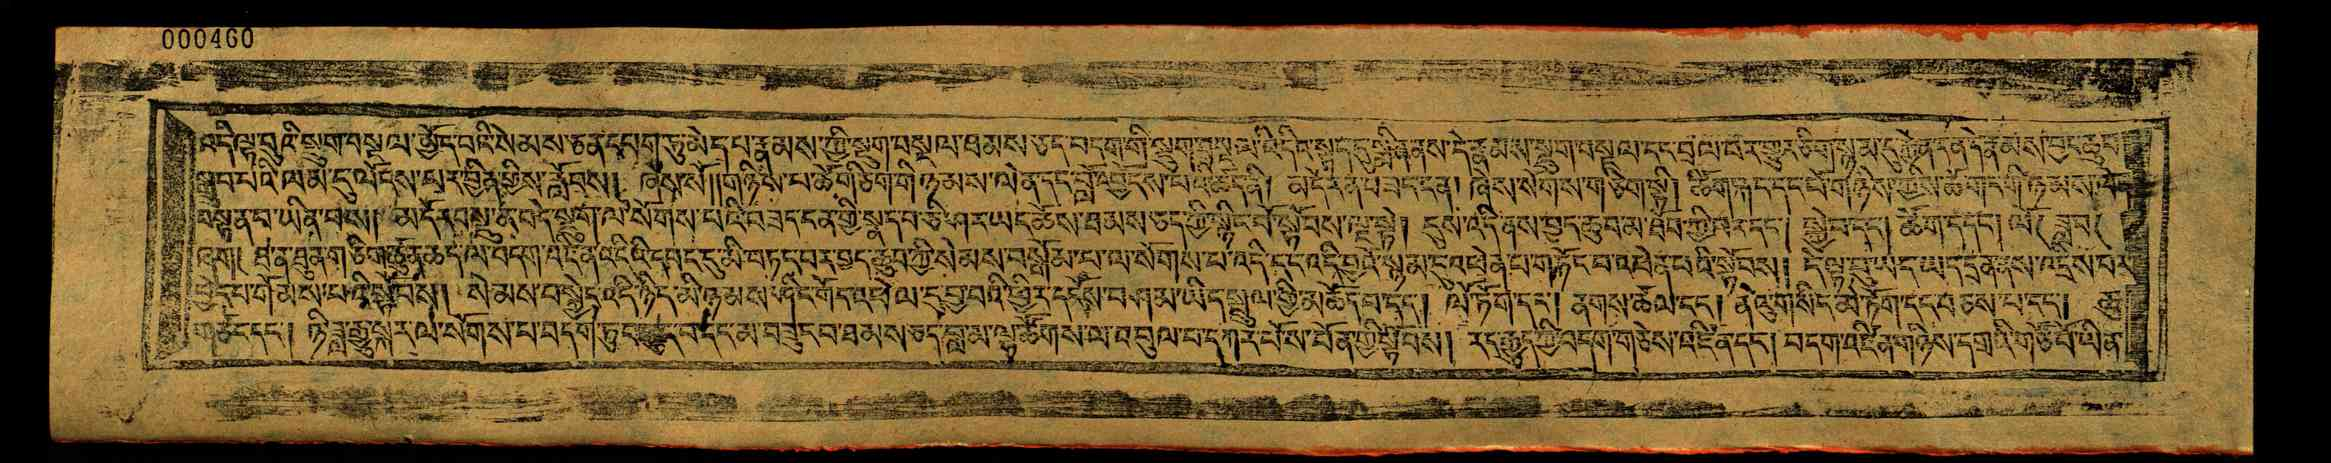འདི་ལྟ་བུའི་སྡུག་བསྔལ་མྱོང་བའི་སེམས་ཅན་དཔག་ཏུ་མེད་པ་རྣམས་ཀྱི་སྡུག་བསྔལ་ཐམས་ཅད་བདག་གི་སྡུག་བསྔལ་འདིའི་སྟེང་དུ་སྨིན་ནས་དེ་རྣམས་སྡུག་བསྔལ་དང་བྲལ་བར་གྱུར་ཅིག་སྙམ་དུ་རྐྱེན་ངན་དེ་རྣམས་བྱང་ཆུབ་
སྒྲུབ་པའི་ལམ་དུ་ལོངས་པར་བྱིན་གྱིས་རློབས། ཞེས་སོ། །གཉིས་པ་ཚེ་གཅིག་གི་ཉམས་ལེན་དང་བློ་འབྱོངས་པའི་ཚད་ནི། མདོར་ན་བཟང་ངན། ཞེས་སོགས་གཅིག་སྟེ། ཚིག་རྐང་དང་པོ་གཉིས་ཀྱིས་ཚེ་གང་གི་ཉམས་ལེན་
བསྟན་པ་ཡིན་པས། མདོར་བསྡུ་ན་བདེ་སྡུག་ལ་སོགས་པའི་བཟང་ངན་གྱི་སྣང་བ་ཅི་ཤར་ཡང་ཆོས་ཐམས་ཅད་ཀྱི་སྙིང་པོ་སྟོབས་ལྔ་སྟེ། དུས་འདི་ནས་བྱང་ཆུབ་མ་ཐོབ་ཀྱི་བར་དང་། སྐྱེ་བ་དང་། ཚེ་གང་དང་། ལོ༑ ཟླ་བ༑
ཞག༑ ཐ་ན་ཐུན་གཅིག་ཚུན་ཆད་ལ་བདག་འཛིན་འདིའི་དབང་དུ་མི་བཏང་བར་བྱང་ཆུབ་ཀྱི་སེམས་བསྒོམ་པ་ལ་སོགས་པ་འདི་དང་འདི་བྱའོ་སྙམ་དུ་འཕེན་པ་གཏོང་བ་འཕེན་པའི་སྟོབས། དེ་ལྟ་བུ་ཡང་ཡང་དྲན་ནས་འདྲིས་པར་
བྱེད་པ་གོམས་པའི་སྟོབས། སེམས་བསྐྱེད་འདི་ཉིད་མི་ཉམས་ཤིང་གོང་འཕེལ་དུ་བྱ་བའི་ཕྱིར་དངོས་བཤམ་ཡིད་སྤྲུལ་གྱི་མཆོད་པ་དང་། ལོ་ཏོག་དང་། ནགས་ཚལ་དང་། ནེའུ་གསིང་མེ་ཏོག་དང་བཅས་པ་དང་། ཆུ་
གཙང་དང་། ཉི་ཟླ་རྒྱུ་སྐར་ལ་སོགས་པ་བདག་ཏུ་བཟུང་བ་དང་མ་བཟུང་བ་ཐམས་ཅད་བླ་མ་ལྷ་ཚོགས་ལ་འབུལ་བ་དཀར་པོ་ས་བོན་གྱི་སྟོབས། རང་རྒྱུད་ཀྱི་བདག་གཅེས་འཛིན་དང་། བདག་འཛིན་གཉིས་དགྲའི་གཙོ་བོ་ཡིན་